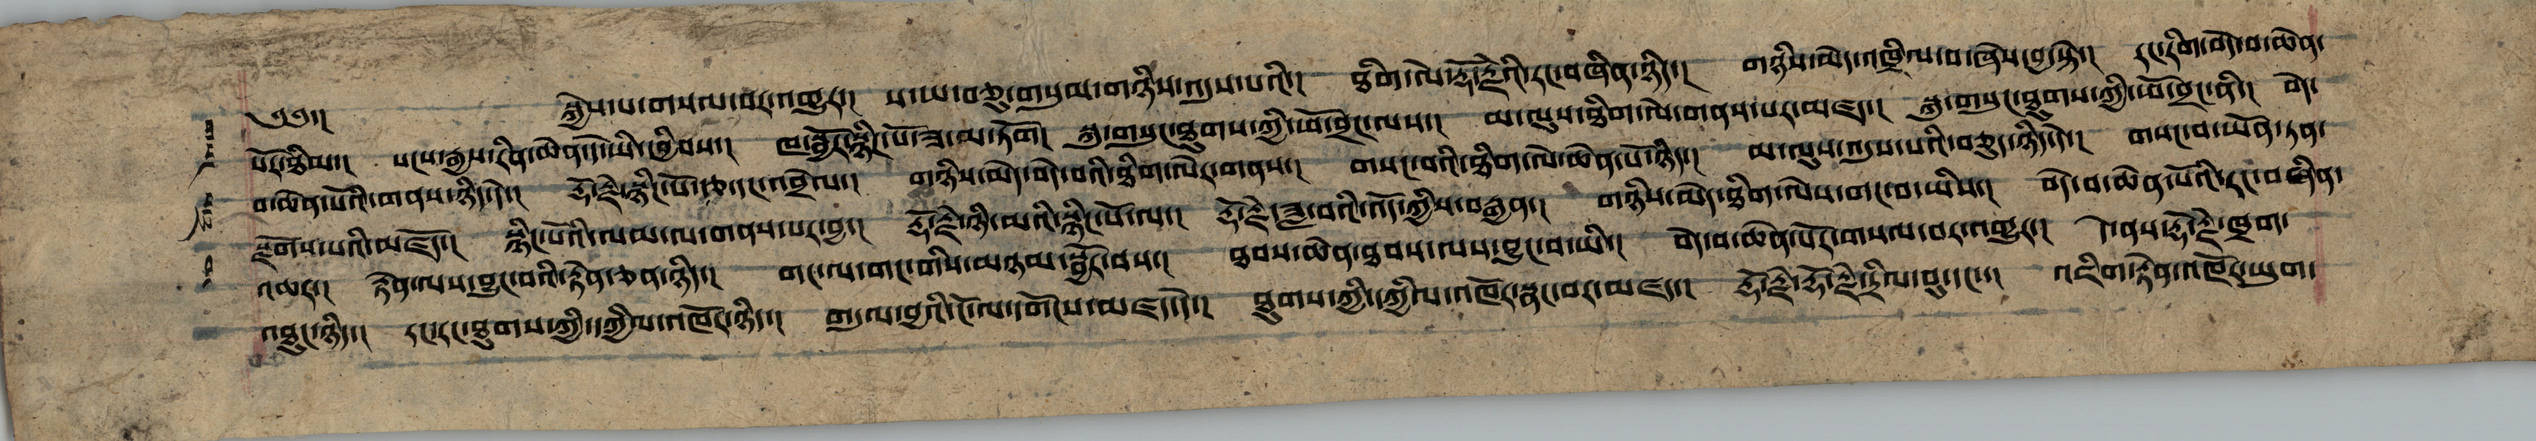༄༅་། སྐྱེས་པ་གསལ་བར་འགྱུར་། ས་ཡ་བཅུ་གསུམ་གཉིས་འདུས་པའི་། ཐིག་ལེ་རྡོ་རྗེའི་རང་བཞིན་ཉིད་། གཉིས་མེད་འཁྲིལ་བ་ཞེས་བྱ་སྟེ་། རང་རིག་བདེ་བ་ཆེན་
པོར་ཐིམ་། སངས་རྒྱས་རིན་ཆེན་དེ་ཡི་དབྱིབས་། ཁ་སྦྱོར་སྙིང་པོ་ཟ་མ་ཏོག། སྐུ་གསུང་ཐུགས་ཀྱི་ཕོ་བྲང་ལས་། མ་ལུས་ཐིག་ལེ་གནས་པར་མཛད་། སྐུ་གསུང་ཐུགས་ཀྱི་ཕོ་བྲང་ནི་། བདེ་
བ་ཆེན་པོའི་གནས་ཉིད་དེ་། རྡོ་རྗེ་སྙིང་པོ་རྩ་དང་འབྲེལ་། གཉིས་མེད་བདེ་བའི་ཐིག་ལེར་གནས་། གསང་བའི་ཐིག་ལེ་ཆེན་པོ་ཉིད་། མ་ལུས་འདུས་པའི་བཅུད་ཉིད་དེ་། གསང་བ་ཡོན་ཏན་
སྫོགས་པའི་མཛོད་། སྙིང་པོའི་ལམ་ལ་གནས་པར་བྱ་། རྡོ་རྗེ་ཉི་མའི་སྙིང་པོ་ལ་། རྡོ་རྗེ་ཟླ་བའི་འོད་ཀྱིས་བརྒྱན་། གཉིས་མེད་ཐིག་ལེས་གང་བ་ཡིས་། བདེ་བ་ཆེན་པོའི་རང་བཞིན་
འཆར་། རྟེན་ལས་བྱུང་བའི་རྟེན་ཅན་ཉིད་། གང་ལ་གང་གིས་མཉམ་སྦྱོར་བས་། ཐབས་ཆེན་ཐབས་ལས་བྱུང་བ་ཡི་། བདེ་བ་ཆེན་པོར་གསལ་བར་འགྱུར་། དེ་ནས་རྡོ་རྗེ་ཁྲག་
འཐུང་ཉིད་། རང་རང་ཐུགས་ཀྱི་དཀྱིལ་འཁོར་ཉིད་། གདུལ་བྱའི་ངོ་ལ་དགོངས་མཛད་དེ་། ཐུགས་ཀྱི་དཀྱིལ་འཁོར་སྣང་བར་མཛད་། རྡོ་རྗེ་རྡོ་རྗེ་དྲིལ་བུ་དང་་། འཇིག་རྟེན་འཁོར་ཡུག་